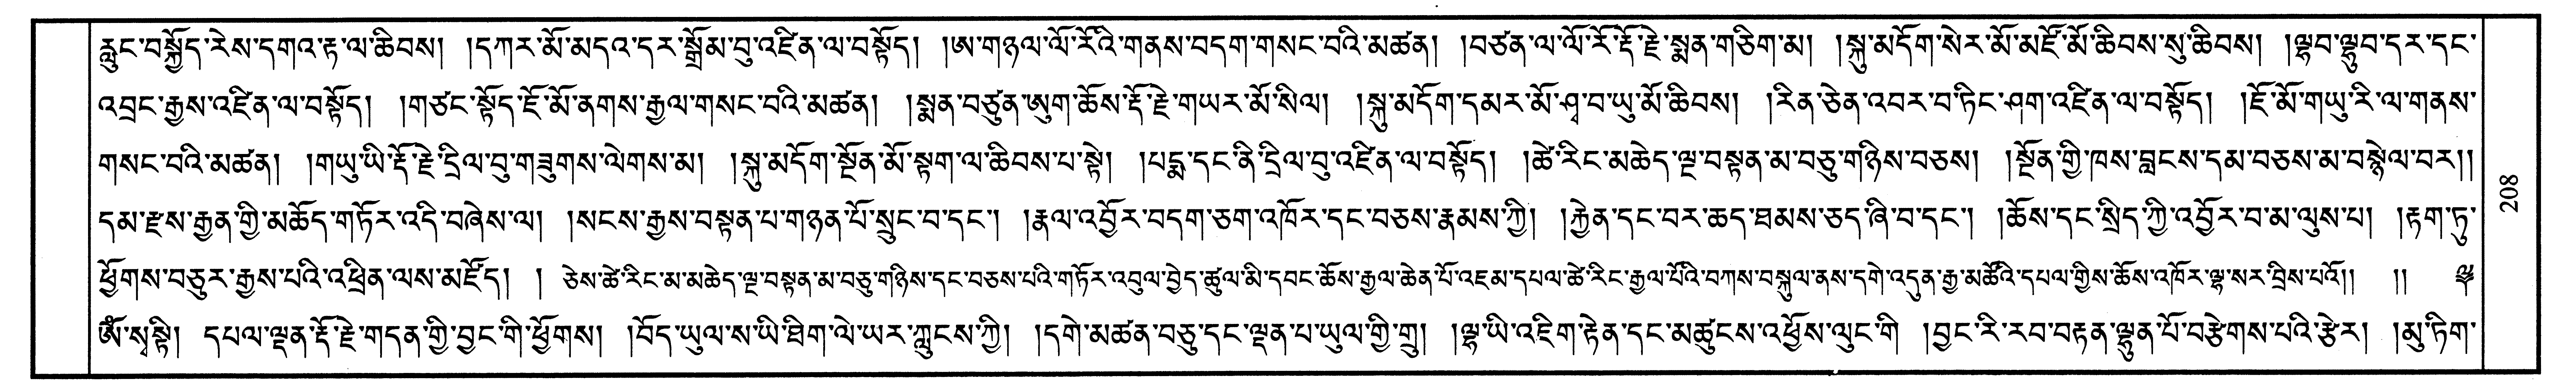རླུང་བསྐྱོད་རེས་དགའ་རྟ་ལ་ཆིབས། །དཀར་མོ་མདའ་དར་སྒྲོམ་བུ་འཛིན་ལ་བསྟོད། །ཨ་གཉལ་ལོ་རོའི་གནས་བདག་གསང་བའི་མཚན། །བཙན་ལ་ལོ་རོ་རྡོ་རྗེ་སྨན་གཅིག་མ། །སྐུ་མདོག་སེར་མོ་མཛོ་མོ་ཆིབས་སུ་ཆིབས། །ལྷབ་ལྷུབ་དར་དང་
འབྲང་རྒྱས་འཛིན་ལ་བསྟོད། །གཙང་སྟོད་ཇོ་མོ་ནགས་རྒྱལ་གསང་བའི་མཚན། །སྨན་བཙུན་ཨུག་ཆོས་རྡོ་རྗེ་གཡར་མོ་སིལ། །སྐུ་མདོག་དམར་མོ་ཤྭ་བ་ཡུ་མོ་ཆིབས། །རིན་ཅེན་འབར་བ་ཏིང་ཤག་འཛིན་ལ་བསྟོད། །ཇོ་མོ་གཡུ་རི་ལ་གནས་
གསང་བའི་མཚན། །གཡུ་ཡི་རྡོ་རྗེ་དྲིལ་བུ་གཟུགས་ལེགས་མ། །སྐུ་མདོག་སྔོན་མོ་སྟག་ལ་ཆིབས་པ་སྟེ། །པདམ་དང་ནི་དྲིལ་བུ་འཛིན་ལ་བསྟོད། །ཚེ་རིང་མཆེད་ལྔ་བསྟན་མ་བཅུ་གཉིས་བཅས། །སྔོན་གྱི་ཁས་བླངས་དམ་བཅས་མ་བསྙེལ་བར།།
དམ་རྫས་རྒྱན་གྱི་མཆོད་གཏོར་འདི་བཞེས་ལ། །སངས་རྒྱས་བསྟན་པ་གཉན་པོ་སྲུང་བ་དང་། །རྣལ་འབྱོར་བདག་ཅག་འཁོར་དང་བཅས་རྣམས་ཀྱི། །རྐྱེན་དང་བར་ཆད་ཐམས་ཅད་ཞི་བ་དང་། །ཆོས་དང་སྲིད་ཀྱི་འབྱོར་བ་མ་ལུས་པ། །རྟག་ཏུ་
ཕྱོགས་བཅུར་རྒྱས་པའི་འཕྲིན་ལས་མཛོད། །ཅེས་ཚེ་རིང་མ་མཆེད་ལྔ་བསྟན་མ་བཅུ་གཉིས་དང་བཅས་པའི་གཏོར་འབུལ་བྱེད་ཚུལ་མི་དབང་ཆོས་རྒྱལ་ཆེན་པོ་འཇམ་དཔལ་ཚེ་རིང་རྒྱལ་པོའི་བཀས་བསྐུལ་ནས་དགེ་འདུན་རྒྱ་མཚོའི་དཔལ་གྱིས་ཆོས་འཁོར་ལྷ་སར་བྲིས་པའོ།། །། ༈
ཨོཾ་སྭསྟི། དཔལ་ལྡན་རྡོ་རྗེ་གདན་གྱི་བྱང་གི་ཕྱོགས། །བོད་ཡུལ་ས་ཡི་ཐིག་ལེ་ཡར་ཀླུངས་ཀྱི། །དགེ་མཚན་བཅུ་དང་ལྡན་པ་ཡུལ་གྱི་གྲུ། །ལྷ་ཡི་འཇིག་རྟེན་དང་མཚུངས་འཕྱོས་ལུང་གི །བྱང་རི་རབ་བརྟན་ལྷུན་པོ་བརྩེགས་པའི་རྩེར། །མུ་ཏིག་